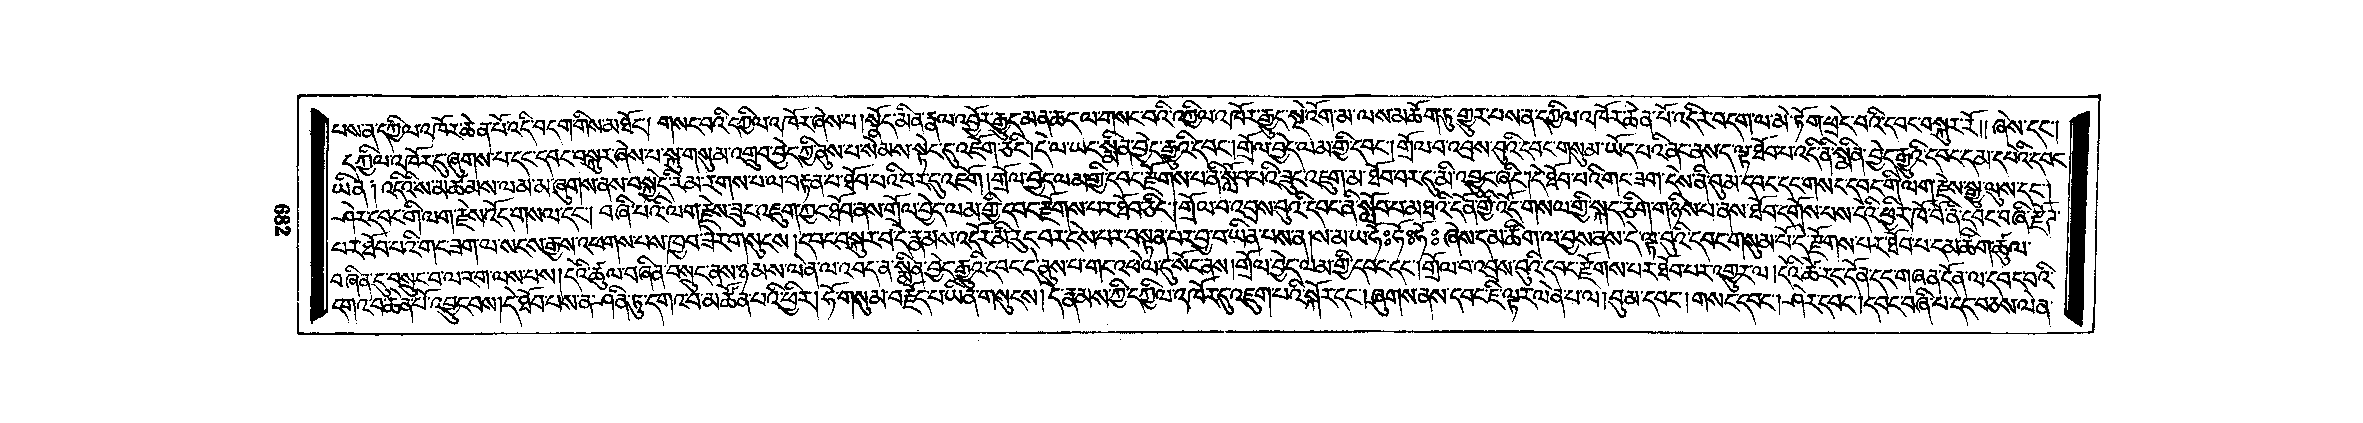པས་ན་དཀྱིལ་འཁོར་ཆེན་པོ་འདི་བདག་གིས་མཐོང་། གསང་བའི་དཀྱིལ་འཁོར་ཞེས་པ། སྣོད་མིན་རྣལ་འབྱོར་རྒྱུད་མན་ཆད་ལ་གསང་བའི་དཀྱིལ་འཁོར་རྒྱུད་སྡེ་འོག་མ་ལས་མཆོག་ཏུ་གྱུར་པས་ན་དཀྱིལ་འཁོར་ཆེན་པོ་འདིར་བདག་ལ་མེ་ཏོག་ཕྲེང་བའི་དབང་བསྐུར་རོ། །ཞེས་དང་།
དཀྱིལ་འཁོར་དུ་ཞུགས་པ་དང་དབང་བསྐུར་ཞེས་པ་སྐུ་གསུམ་འགྲུབ་བྱེད་ཀྱི་ནུས་པ་སེམས་སྟེང་དུ་འཇོག་ཅིང་། དེ་ལ་ཡང་སྨིན་བྱེད་རྒྱུའི་དབང་། གྲོལ་བྱེད་ལམ་གྱི་དབང་། གྲོལ་བ་འབྲས་བུའི་དབང་གསུམ་ཡོད་པའི་ནང་ནས་ད་ལྟ་ཐོབ་པ་འདི་ནི་སྨིན་བྱེད་རྒྱུའི་དབང་དམ་དཔེའི་དབང་
ཡིན། འདིའི་ས་མཚམས་ལམ་མ་ཞུགས་ནས་བསྐྱེད་རིམ་རགས་པ་ལ་བརྟན་པ་ཐོབ་པའི་བར་དུ་འཇོག །གྲོལ་བྱེད་ལམ་གྱི་དབང་རྫོགས་པ་ནི་སློབ་པའི་ཟུང་འཇུག་མ་ཐོབ་བར་དུ་མི་འབྱུང་ཞིང་། དེ་ཐོབ་པའི་གང་ཟག་དེས་ནི་བུམ་དབང་དང་གསང་དབང་གི་ལག་རྗེས་སྒྱུ་ལུས་དང་།
ཤེར་དབང་གི་ལག་རྗེས་འོད་གསལ་དང་། བཞི་པའི་ལག་རྗེས་ཟུང་འཇུག་ཀྱང་ཐོབ་ནས་གྲོལ་བྱེད་ལམ་གྱི་དབང་རྫོགས་པར་ཐོབ་ཅིང་། གྲོལ་བ་འབྲས་བུའི་དབང་ནི་སློབ་པ་མཐའི་དོན་གྱི་འོད་གསལ་གྱི་སྐད་ཅིག་གཉིས་པ་ནས་ཐོབ་དགོས་པས་དེའི་ཕྱིར་ཁོ་བོ་ནི་དབང་བཞི་རྫོགས་
པར་ཐོབ་པའི་གང་ཟག་ལ་སངས་རྒྱས་འཕགས་པས་ཁྱབ་ཟེར་གསུངས། དབང་བསྐུར་བ་དེ་རྣམས་འདོར་མི་རུང་བར་ངེས་པར་བསྟན་པར་བྱ་བ་ཡིན་པས་ན། ས་མ་ཡ་ཧོཿ ཧོཿ ཧོཿ ཞེས་དམ་ཚིག་ལ་བྱས་ནས་དེ་ལྟ་བུའི་དབང་གསུམ་པོ་དེ་རྫོགས་པར་ཐོབ་པ་དམ་ཚིག་ཚུལ་
བཞིན་དུ་བསྲུང་བ་ལ་རག་ལས་པས། དེའི་ཚུལ་བཞིན་བསྲུང་ནས་ཉམས་ལེན་ལ་འབད་ན་སྨིན་བྱེད་རྒྱུའི་དབང་དེ་ནུས་པ་གང་འཕེལ་དུ་སོང་ནས། གྲོལ་བྱེད་ལམ་གྱི་དབང་དང་། གྲོལ་བ་འབྲས་བུའི་དབང་རྫོགས་པར་ཐོབ་པར་འགྱུར་ལ། དེའི་ཚེ་རང་དོན་དང་གཞན་དོན་ལ་དབང་བའི་
དགའ་བ་ཆེན་པོ་འབྱུང་བས། དེ་ཐོབ་པས་ན་ཤིན་ཏུ་དགའ་བ་མཚོན་པའི་ཕྱིར། ཧོ་གསུམ་བརྗོད་པ་ཡིན་གསུངས། དེ་རྣམས་ཀྱི་དཀྱིལ་འཁོར་དུ་འཇུག་པའི་སྐོར་དང་། ཞུགས་ནས་དབང་ཇི་ལྟར་ལེན་པ་ལ། བུམ་དབང་། གསང་དབང་། ཤེར་དབང་། དབང་བཞི་པ་དང་བཅས་ལེན་